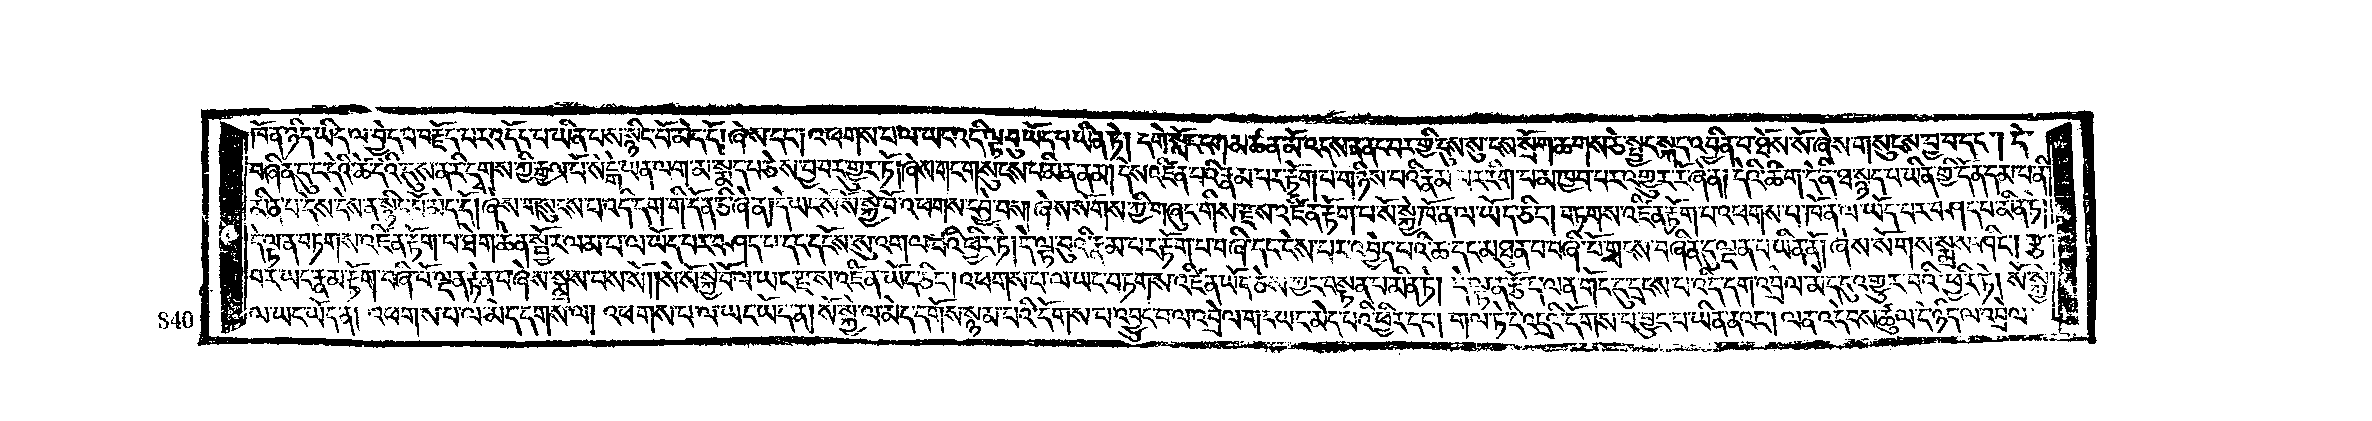ཁོ་ན་ཉིད་ཡིད་ལ་བྱེད་པ་བརྗོད་པར་འདོད་པ་ཡིན་པས་སྙིང་པོ་མེད་དོ། ཞེས་དང་། འཕགས་པ་ལ་ཡང་འདི་ལྟ་བུ་ཡོད་པ་ཡིན་ཏེ། དགེ་སློང་དག་མཚན་མོ་འདས་ན་ནང་བར་གྱི་དུས་སུ་ངས་སྲོག་ཆགས་ཅེ་སྤྱང་སྐད་འབྱིན་པ་ཐོས་སོ་ཞེས་གསུངས་བྱ་བ་དང་། དེ་
བཞིན་དུ་ང་དེའི་ཚེ་དེའི་དུས་ན་རི་དVཨགས་ཀྱི་རྒྱལ་པོ་སེང་གེ་ཡན་ལག་མ་སྨད་པ་ཅེས་བྱ་བར་གྱུར་ཏོ། ཞེས་གང་གསུངས་པ་མིན་ནམ། དེས་འཛིན་པའི་རྣམ་པར་རྟོག་པ་གཉིས་པའི་རྣམ་པར་རིག་པ་མ་ཁྱབ་པར་འགྱུར་རོ་ཞེ་ན། དེའི་ཚིག་དེ་ནི་ཐ་སྙད་པ་ཡིན་གྱི་དོན་དམ་པ་ནི་
མིན་པ་དེས་དེས་ན་སྙིང་པོ་མེད་དོ། ཞེས་གསུངས་པ་འདི་དག་གི་དོན་ཅི་ཞེ་ན། དེ་ཡང་སོ་སོ་སྐྱེ་བོ་འཕགས་དབྱེ་བས། ཞེས་སོགས་ཀྱི་གཞུང་གིས་རྫས་འཛིན་རྟོག་པ་སོ་སྐྱེ་ཁོ་ན་ལ་ཡོད་ཅིང་། བཏགས་འཛིན་རྟོག་པ་འཕགས་པ་ཁོ་ན་ལ་ཡོད་པར་བཤད་པ་མིན་ཏེ།
དེ་ལྟ་ན་བཏགས་འཛིན་རྟོག་པ་ཐེག་ཆེན་སྦྱོར་ལམ་པ་ལ་ཡོད་པར་བཤད་པ་དང་དངོས་སུ་འགལ་བའི་ཕྱིར་ཏེ། དེ་ལྟ་བུའི་རྣམ་པར་རྟོག་པ་བཞི་དང་ངེས་པར་འབྱེད་པའི་ཆ་དང་མཐུན་པ་བཞི་པོ་གྲངས་བཞིན་དུ་ལྡན་པ་ཡིན་ནོ། ཞེས་སོགས་སྨྲས་ཤིང་། རྩ་
བར་ཡང་རྣམ་རྟོག་བཞི་པོ་ལྡན་རྟེན་པ་ཞེས་སྨྲས་པས་སོ། །སོ་སོ་སྐྱེ་བོ་ལ་ཡང་རྫས་འཛིན་ཡོད་ཅིང་། འཕགས་པ་ལ་ཡང་བཏགས་འཛིན་ཡོད་ཅེས་ཀྱང་བསྟན་པ་མིན་ཏེ། དེ་ལྟ་ན་རྩོད་ལན་གོང་དུ་དྲངས་པ་འདི་དག་འབྲེལ་མེད་དུ་འགྱུར་བའི་ཕྱིར་ཏེ། སོ་སྐྱེ་
ལ་ཡང་ཡོད་ན། འཕགས་པ་ལ་མེད་དགོས་ལ། འཕགས་པ་ལ་ཡང་ཡོད་ན། སོ་སྐྱེ་ལ་མེད་དགོས་སྙམ་པའི་དོགས་པ་འབྱུང་བ་ལ་འབྲེལ་གང་ཡང་མེད་པའི་ཕྱིར་དང་། གལ་ཏེ་དེ་འདྲའི་དོགས་པ་བྱུང་བ་ཡིན་ནའང་། ལན་འདེབས་ཚུལ་དེ་ཉིད་ལ་འབྲེལ་